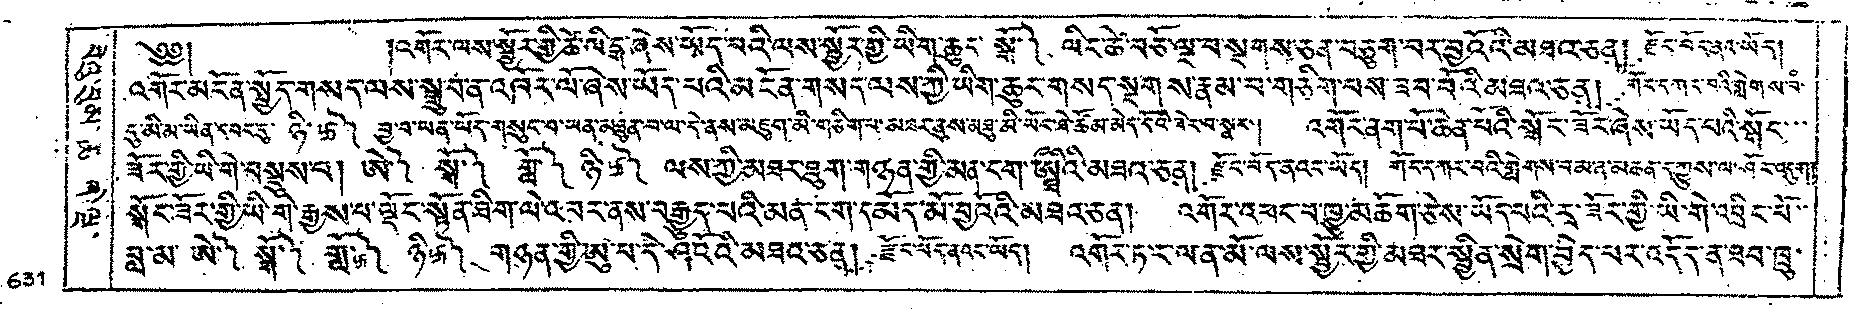༄༅། །འགོར་ལས་སྦྱོར་གྱི་ཚེ་ལིངྒ་ཞེས་ཡོད་པའི་ལས་སྦྱོར་གྱི་ཡིག་ཆུང་སྒ྄ོ་ལིང་ཚེ་བཅོ་ལྔ་པ་སྔགས་ཅན་བཅུག་པར་བྱའོའི་མཐའ་ཅན། རྫོང་པོད་ནའ་ཡོད།
འགོར་མངོན་སྤྱོད་གསད་ལས་སྒྲུབ་ན་འཁོར་ལོ་ཞེས་ཡོད་པའི་མངོན་གསད་ལས་ཀྱི་ཡིག་ཆུང་གསད་སྔགས་རྣམ་པ་གཅིག་པས་ཟབ་བོའི་མཐའ་ཅན། གོང་དཀར་བའི་གླེགས་བཾ་
དུ་མི་མ་ཡིན་དབང་དུ་ཉི་~྾?་བྱ་བ་ཡན་ཡོད་གསུང་བ་ཡན་མཐུན་པ་ལ་དེ་ནས་མཇུག་མི་གཅིག་པ་མཐར་ནུས་མཐུ་མི་ཡོང་ཐེ་ཚོམ་མེད་དོའི་ཟེར་བ་སྣང་།  འགོར་ནག་པོ་ཆེན་པོའི་སྒོང་ཟོར་ཞེས་ཡོད་པའི་སྒོང་
ཟོར་གྱི་ཡི་གེ་བསྡུས་པ། ཨ྄ེ་སྒ྄ོ་གླ྄ོ་ཉི~྾?་ལས་ཀྱི་མཐར་ཐུག་གཉན་གྱི་མན་ངག་ཨྀཊཿཨིའི་མཐའ་ཅན། རྫོང་པོད་ནའང་ཡོད། གོང་དཀར་བའི་གླེགས་བམ་ན་མཚན་དཀྱུས་ལ་ཤོར་འདུག།
སྒོང་ཟོར་གྱི་ཡི་གེ་རྒྱས་པ་ལྡོང་སྟོན་ཐིག་ལེ་འབར་ནས་བརྒྱུད་པའི་མན་ངག་དམོད་མོ་བྱའོའི་མཐའ་ཅན། འགོར་འཕང་བ་ཁྱུ་མཆོག་ཅེས་ཡོད་པའི་རྭ་ཟོར་གྱི་ཡི་གེ་འབྲིང་པོ་
བླ་མ་ཨ྄ེ་གློ~྾?་ཉི~྾?་གཉན་གྱི་ཨུ་པ་དེ་ཤའོའི་མཐའ་ཅན། རྫོང་པོད་ནའང་ཡོད།  འགོར་ཏ་ར་ལ་ན་མོ་ལས་སྦྱོར་གྱི་མཐར་སྦྱིན་སྲེག་བྱེད་པར་འདོན་ན་ཐབ་ཁྲུ་